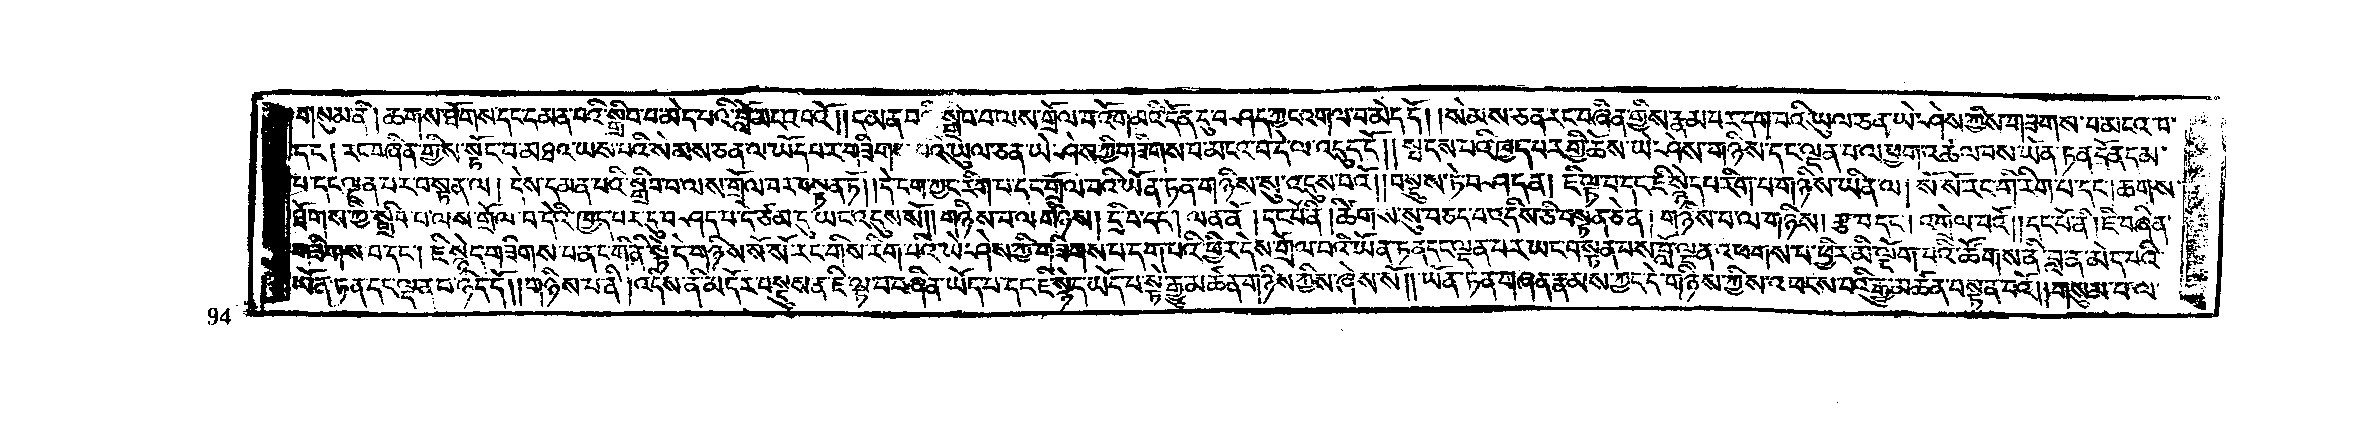གསུམ་ནི། ཆགས་ཐོགས་དང་དམན་པའི་སྒྲིབ་པ་མེད་པའི་བློ་མངའ་བའོ། །དམན་པའི་སྒྲིབ་པ་ལས་གྲོལ་བ་འོག་མའི་དོན་དུ་བཤད་ཀྱང་འགལ་བ་མེད་དོ། །སེམས་ཅན་རང་བཞིན་གྱིས་རྣམ་པར་དག་པའི་ཡུལ་ཅན་ཡེ་ཤེས་ཀྱིས་གཟིགས་པ་མངའ་བ་
དང༑ རང་བཞིན་གྱིས་སྟོང་པ་མཐའ་ཡས་པའི་སེམས་ཅན་ལ་ཡོད་པར་གཟིགས་པའི་ཡུལ་ཅན་ཡེ་ཤེས་ཀྱི་གཟིགས་པ་མངའ་བ་དེ་ལ་འདུད་དོ། །སྤངས་པའི་ཁྱད་པར་གྱི་ཆོས་ཡེ་ཤེས་གཉིས་དང་ལྡན་པ་ལ་ཕྱག་འཚལ་བས་ཡོན་ཏན་དོན་དམ་
པ་དང་ལྡན་པར་བསྟན་ལ། དེས་དམན་པའི་སྒྲིབ་པ་ལས་གྲོལ་བར་བསྟན་ཏོ། །དེ་དག་ཀྱང་རིག་པ་དང་གྲོལ་བའི་ཡོན་ཏན་གཉིས་སུ་འདུས་པའོ། །བསྡུས་ཏེ་བཤད་ན། ཇི་ལྟ་བ་དང་ཇི་སྙེད་པ་རིག་པ་གཉིས་ཡིན་ལ། སོ་སོ་རང་གི་རིག་པ་དང་། ཆགས་
ཐོགས་ཀྱི་སྒྲིབ་པ་ལས་གྲོལ་བ་དེའི་ཁྱད་པར་དུ་བཤད་པ་དེ་ཙམ་དུ་ཡང་འདུས་སོ། །གཉིས་པ་ལ་གཉིས། དྲི་བ་དང་། ལན་ནོ། དང་པོ་ནི། ཚིགས་སུ་བཅད་པ་འདིས་ཅི་བསྟན་ཅེ་ན། གཉིས་པ་ལ་གཉིས། རྩ་བ་དང་། འགྲེལ་བའོ། །དང་པོ་ནི། ཇི་བཞིན་
གཟིགས་པ་དང་། ཇི་སྙེད་གཟིགས་པ་ནང་གི་ནི་སྟེ་དེ་གཉིས་སོ་སོ་རང་གིས་རིག་པའི་ཡེ་ཤེས་ཀྱི་གཟིགས་པ་དག་པའི་ཕྱིར་དེས་གྲོལ་བའི་ཡོན་ཏན་དང་ལྡན་པར་ཡང་བསྟན་པས་བློ་ལྡན་འཕགས་པ་ཕྱིར་མི་ལྡོག་པའི་ཚོགས་ནི་བླ་ན་མེད་པའི་
ཡོན་ཏན་དང་ལྡན་པ་ཉིད་དོ། །གཉིས་པ་ནི། འདིས་ནི་མདོར་བསྡུས་ན་ཇི་ལྟ་བ་བཞིན་ཡོད་པ་དང་ཇི་སྙེད་ཡོད་པ་སྟེ་རྒྱུ་མཚན་གཉིས་ཀྱིས་ཞེས་སོ། །ཡོན་ཏན་གཞན་རྣམས་ཀྱང་དེ་གཉིས་ཀྱིས་འཕངས་པའི་རྒྱུ་མཚན་བསྟན་པའོ། །གསུམ་པ་ལ་